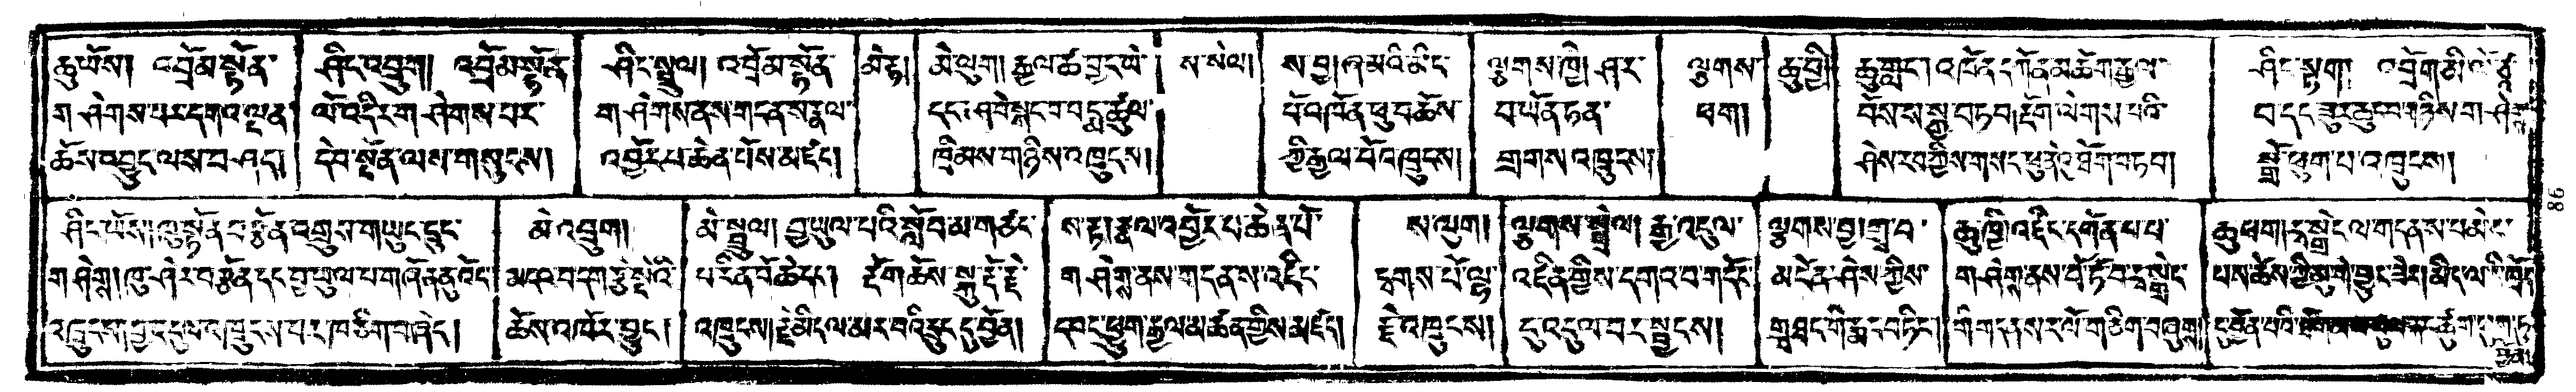ཆུ་ཡོས། འབྲོམ་སྟོན་ཤིང་འབྲུག། འབྲོམ་སྟོན་ཤིང་སྦྲུལ། འབྲོམ་སྟོན་མེ་རྟ། མེ་ལུག། རྒྱལ་ཚ་བྱང་ཡེ་ས་སེལ། ས་བྱ། ཞ་མའི་མིང་ལྕགས་ཁྱེ། ཤར་ལྕགས་ཆུ་བྱི། ཆུ་གླང་། འཁོན་དཀོན་མཆོག་རྒྱལ་ཤིང་སྟག། འབྲོག་མི་ལོ་ཙཱ་
གཤེགས་པར་དགའ་ལྡན་ལོ་འདིར་གཤེགས་པར་གཤེགས་ནས་གདན་ས་རྣལ་དང་ཤ་བེ་སྐང་བ་པདམ་ཚུལ་པོ་འཁོར་ཕུབ་ཆོས་པ་ཡོན་ཏན་ཕག། བོས་ས་སྐྱ་བཏབ། རྡོག་ལེགས་པའི་བདང་ཟུར་ཆུང་བ་གཉིས་གཤེགས་
ཆོས་འབྱུང་ལས་བཤད། དེབ་སྔོན་ལས་གསུངས། འབྱོར་པ་ཆེན་པོས་མཛད། ཁྲིམས་གཉིས་འཁྲུངས། ཀྱི་རྒྱལ་པོ་འཁྲུངས། གྲགས་འཁྲུངས། ཤེས་རབ་ཀྱིས་གསང་ཕུ་ནེའུ་ཐོག་བཏབ། སྒྲོ་ཕུག་པ་འཁྲུངས།
ཤིང་ཡོས། ཁུ་སྟོན་བརྩོན་འགྲུས་གཡུང་དྲུང་མེ་འབྲུག། མེ་སྦྲུལ། བྱ་ཡུལ་པའི་སློབ་མ་གཙང་ས་རྟ། རྣལ་འབྱོར་པ་ཆེན་པོ་ས་ལུག །ལྕགས་སྒྲེལ། རྒྱ་འདུལ་ལྕགས་བྱ། གྲྭ་བ་ཆུ་ཁྱི། འཛིང་དགོན་པ་པ་ཆུ་ཕག། རྭ་སྒྲེང་ལ་གདན་ས་པ་མེད་པ་
གཤེགས། ཁུ་ཤེར་བརྩོན་དང་བྱ་ཡུལ་བ་གཞོན་ནུ་འོད་མདའ་བདག་རྩེ་སྡེའི་པ་རིན་པོ་ཆེ་དང་། རྡོག་ཆོས་སྐུ་རྡོ་རྗེ་གཤེགས་ནས་གདན་ས་འཛིང་དྭགས་པོ་ལྷ། འཛིན་གྱིས་དགའ་བ་གདོང་མངོན་ཤེས་ཀྱིས་གཤེགས་ནས་བོ་ཏོ་བ་རྭ་སྒྲེང་པས་ཚེས་ཀྱི་མུ་གེ་བྱུང་ཟེར། མིང་ལ་སི?་ཁྲོད་
འཁྲུངས། བྱ་འདུལ་འཁྲུངས་པར་ཁ་ཅིག་བཞེད། ཆོས་འཁོར་བྱུང་། འཁྲུངས། རྗེ་མིད་ལ་མར་བའི་དྲུང་དུ་བྱོན། དབང་ཕྱུག་རྒྱལ་མཚན་གྱིས་མཛད། རྗེ་འཁྲུངས། དུ་འདུལ་བར་སྦྱངས། གྲྭ་ཐང་གི་རྨད་བཏིང་། གི་གདན་སར་ལོ་གཅིག་བཞུགས། དུ་བྱོན་པའི་ཐོག་མས་ཐུལ?་རྐང་ཚུག་ཏུ་ཀུ་ཏུ་བྱོན?།